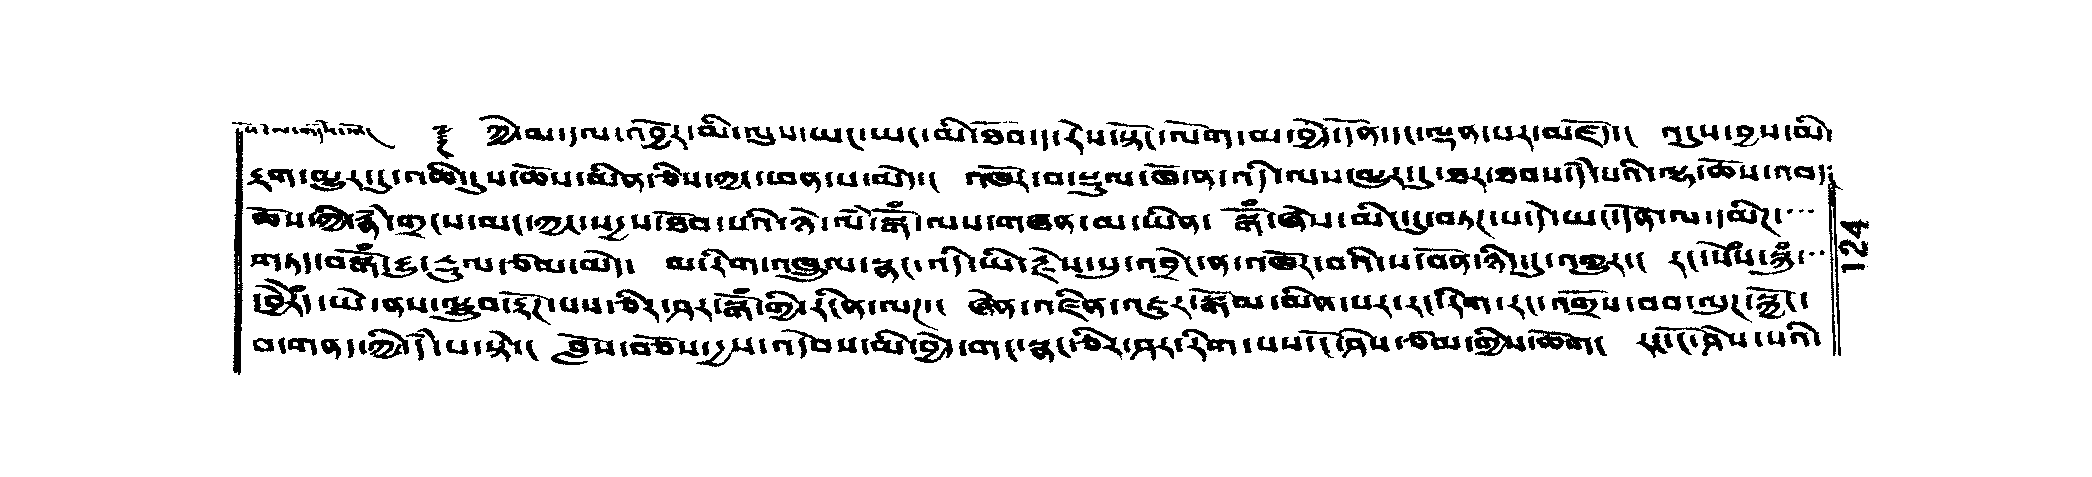༈ ཀྱེ་མ་དལ་འབྱོར་མི་ལུས་ཡང་ཡང་མི་ཐོབ་ད་རེས་སྟོང་ལོག་མ་བྱེད་དོན་དང་ལྡན་པར་མཛོད། །འདུས་བྱས་མི་
རྟག་མྱུར་དུ་འཆི་དུས་ཆོས་མིན་ཅིས་ཀྱང་ཕན་པ་མེད། །འཁོར་བ་སྡུག་བསྔལ་ཁོ་ན་འདི་ལས་མྱུར་དུ་ཐར་ཐབས་དམ་པའི་ལྷ་ཆོས་འབད། 
ཆོས་ཀྱི་རྣམ་གྲངས་མང་ཀྱང་སངས་རྒྱས་ཐོབ་པའི་ཉེ་ལམ་སྒོམ་ལས་གཞན་མ་ཡིན། །སྒོམ་ཞེས་མིང་དུ་བཏགས་པ་དེ་ཡང་དོན་ལ་དམིགས་
གཏད་བསྒོམ་རྒྱུ་རྡུལ་ཙམ་མེད། །མ་རིག་འཁྲུལ་སྣང་འདི་ཡི་རྗེས་སུ་འབྲེང་ན་འཁོར་བའི་ས་བོན་ཉིད་དུ་འགྱུར། །རང་སེམས་སྐུ་གསུམ་
དབྱེར་མེད་ཡེ་ནས་ལྷུན་གྲུབ་རྟོགས་པས་ཅིར་ཤར་སྒོམ་གྱི་རང་བཞིན་ལགས། །ཞེན་འཛིན་འཇུར་སྒོམ་མིན་པར་རང་རིག་རང་འགྲོས་བབ་ལུགས་སྐྱོང་
བ་གནད་ཀྱི་དམ་པ་སྟེ། །བློས་བཅོས་རྒྱས་འདེབས་མི་བྱེད་གང་སྣང་ཅིར་ཤར་རིག་པས་ངོ་ཤེས་ཙམ་གྱིས་ཆོག།རང་ངོ་ཤེས་པའི་